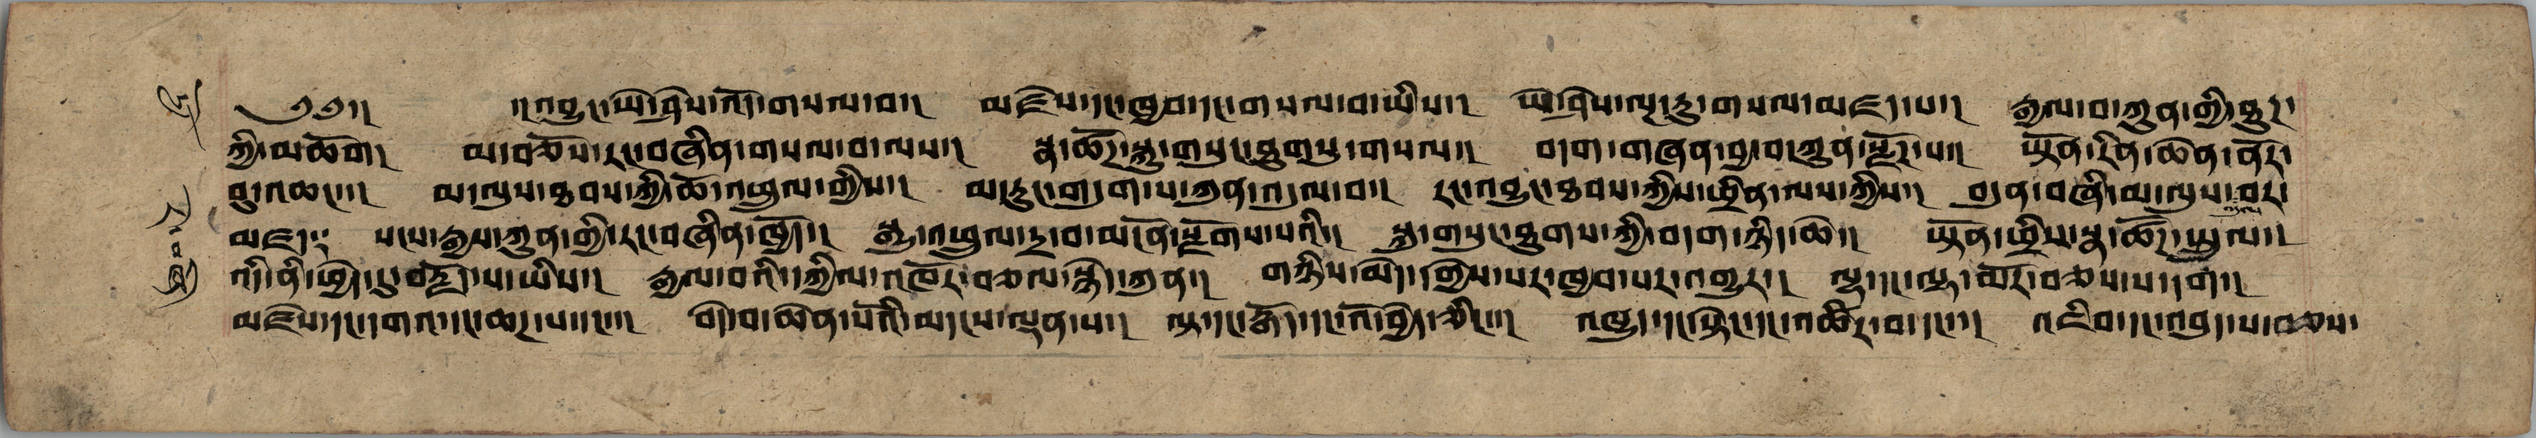༄༅་། ་།འབྱུང་ཡེ་ཤེས་འོད་གསལ་བ་། མཛེས་དང་ཁྱབ་དང་གསལ་བ་ཡིས་། ཡེ་ཤེས་ལྔ་རུ་གསལ་མཛད་པ་། རྒྱལ་བ་ཀུན་གྱི་ཐུཌ་
ཀྱི་མཆོག། མ་བཅོས་རང་བཞིན་གསལ་བ་ལས་། སྣ་ཚོཌ་སྐུ་གསུང་ཐུགསུ་གསལ་། བདག་གཞན་བྱ་བ་ཀུན་སྫོཌ་པ་། ཡྟོན་རིན་ཆེན་ནོར་
བུ་འཆང་་། མ་ལུས་ཐབས་ཀྱི་ཆོ་འཕྲུལ་གྱིས་། མ་རུང་གདུག་པ་ཀུན་འདུལ་བ་། རང་འབྱུང་ཐབས་ཀྱིས་ཕྲིན་ལས་ཀྱིས་། བདུན་བཞི་མ་ལུས་འདུལ་བར་
མཛད༑ སངས་རྒྱས་ཀུན་གྱི་རང་བཞིན་ཁྱོད་། སྒྱུ་འཕྲུལ་དྲ་བ་མངོན་སྫོགས་པའི་། སྐུ་གསུང་ཐུགས་ཀྱི་བདག་ཉིད་ཆེ་། ཡྟོན་ཕྲིས་སྣ་ཚོཌ་སྤྲུལ་།
འདི་ནི་ཕྱེད་དུ་བརྗོད་པ་ཡིས་། རྒྱལ་བའི་དཀྱིལ་འཁོར་བཅལ་སྙེད་ཀུན་། གཉིས་མེད་དགྱེས་པར་ཁྱབ་པར་འགྱུར་། ལྷ་དང་ལྷ་མོར་བཅས་པ་དག་།
མཛེས་དང་དགའ་དང་ཆཌ་པ་དང་་། བདེ་བ་ཆེན་པོའི་མདངས་ལྡན་པ་། ལྟ་དང་རྒོད་དང་འོ་བྱེད་ཅིང་་། འཁྱུད་དང་སྟེང་དང་འཚིར་བ་དང་་། འཇིབ་དང་འབུད་པ་བཅས་